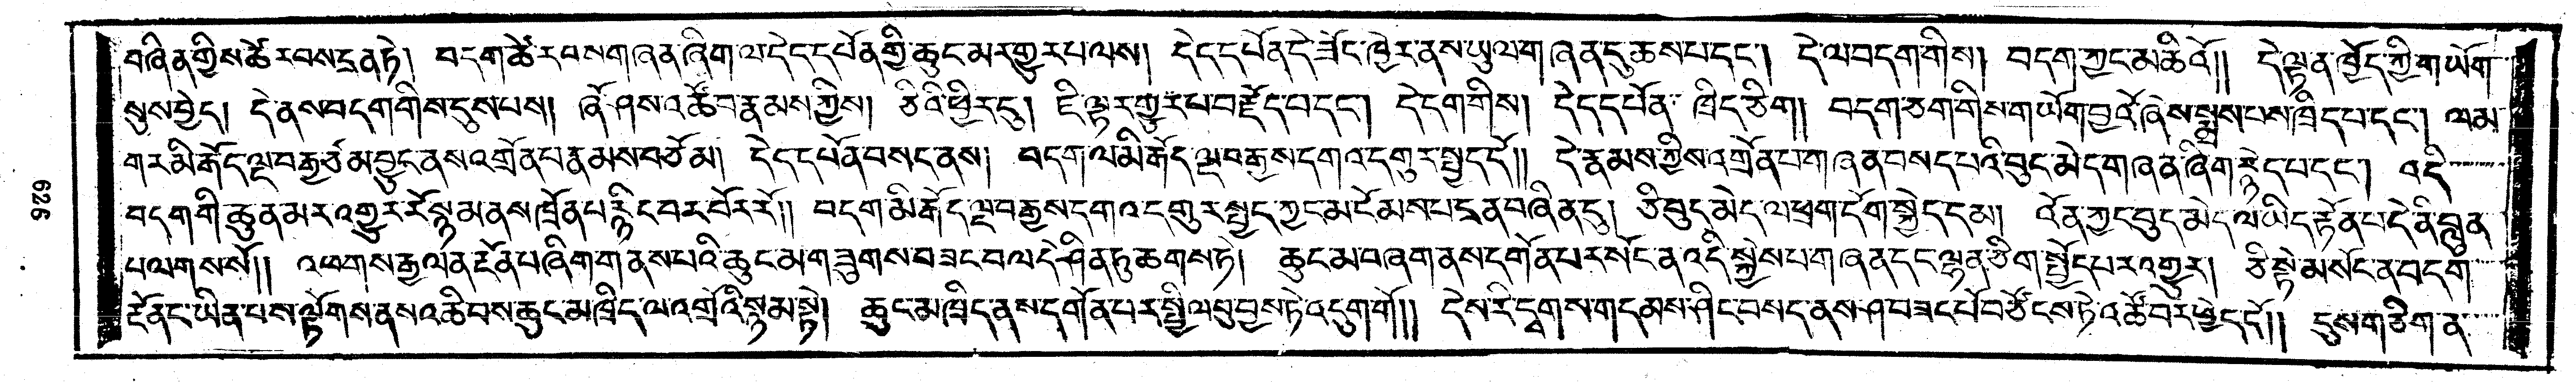བཞིན་གྱིས་ཚེ་རབས་དྲན་ཏེ། བདག་ཚེ་རབས་གཞན་ཞིག་ལ་དེད་དཔོན་གྱི་ཆུང་མར་གྱུར་པ་ལས། དེད་དཔོན་དེ་ཟོང་ཁྱེར་ནས་ཡུལ་གཞན་དུ་ཆས་པ་དང་། དེ་ལ་བདག་གིས། བདག་ཀྱང་མཆིའོ།། དེ་ལྟ་ན་ཁྱོད་ཀྱི་གཡོག་
སུས་བྱེད། དེ་ནས་བདག་གིས་དུས་པས། ཞོ་ཤས་འཚོ་བ་རྣམས་ཀྱིས། ཅིའི་ཕྱིར་དུ། ཇི་ལྟར་གྱུར་པ་བརྗོད་པ་དང་། དེ་དག་གིས། དེད་དཔོན༑ ཁྲིད་ཅིག། བདག་ཅག་གིས་གཡོག་བྱའོ་ཞེས་སྨྲས་པས་ཁྲིད་པ་དང་། ལམ་
གར་མི་རྒོད་ལྔ་བརྒྱ་ཙམ་བྱུང་ནས་འགྲོན་པ་རྣམས་བཅོམ། དེད་དཔོན་བསད་ནས། བདག་ལ་མི་རྒོད་ལྔ་བརྒྱས་དགའ་དགུར་སྤྱད་དོ།། དེ་རྣམས་ཀྱིས་འགྲོན་པ་གཞན་བསད་པའི་བུད་མེད་གཞན་ཞིག་རྙེད་པ་དང་། འདི་
བདག་གི་ཆུན་མར་འགྱུར་རོ་སྙམ་ནས་ཁྲོན་པ་རྙིང་བར་བོར་རོ།། བདག་མི་རྒོད་ལྔ་བརྒྱས་དགའ་དགུར་སྤྱད་ཀྱང་མ་ངོམས་པ་དྲན་བཞིན་དུ། ཅི་བུད་མེད་ལ་ཕྲག་དོག་སྐྱེད་དམ། འོན་ཀྱང་བུད་མེད་ལ་ཡིད་རྟོན་པ་དེ་ནི་བླུན་
པ་ལགས་སོ།། འཕགས་རྒྱལ་ན་རྔོན་པ་ཞིག་གནས་པའི་ཆུང་མ་གཟུགས་བཟང་བལ་དེ་ཤིན་ཏུ་ཆགས་ཏེ། ཆུང་མ་བཞག་ནས་དགོན་པར་སོང་ན་འདི་སྐྱེས་པ་གཞན་དང་ལྷན་ཅིག་སྤྱོད་པར་འགྱུར། ཅི་སྟེ་མ་སོང་ན་བདག་
རྔོ་ནང་ཡིན་པས་ལྟོགས་ནས་འཆིབས་ཆུང་མཁྲིད་ལ་འགྲོའི་སྙམ་སྟེ། ཆུང་མ་ཁྲིད་ནས་དགོན་པར་སྤྱིལ་བུ་བྱས་ཏེ་འདུག་གོ།། དེས་རི་དྭགས་གདམས་ཤིང་བསད་ནས་ཤ་བཟང་པོ་བཙོངས་ཏེ་འཚོ་བར་ཕྱེད་དོ།། དུས་གཅིག་ན་